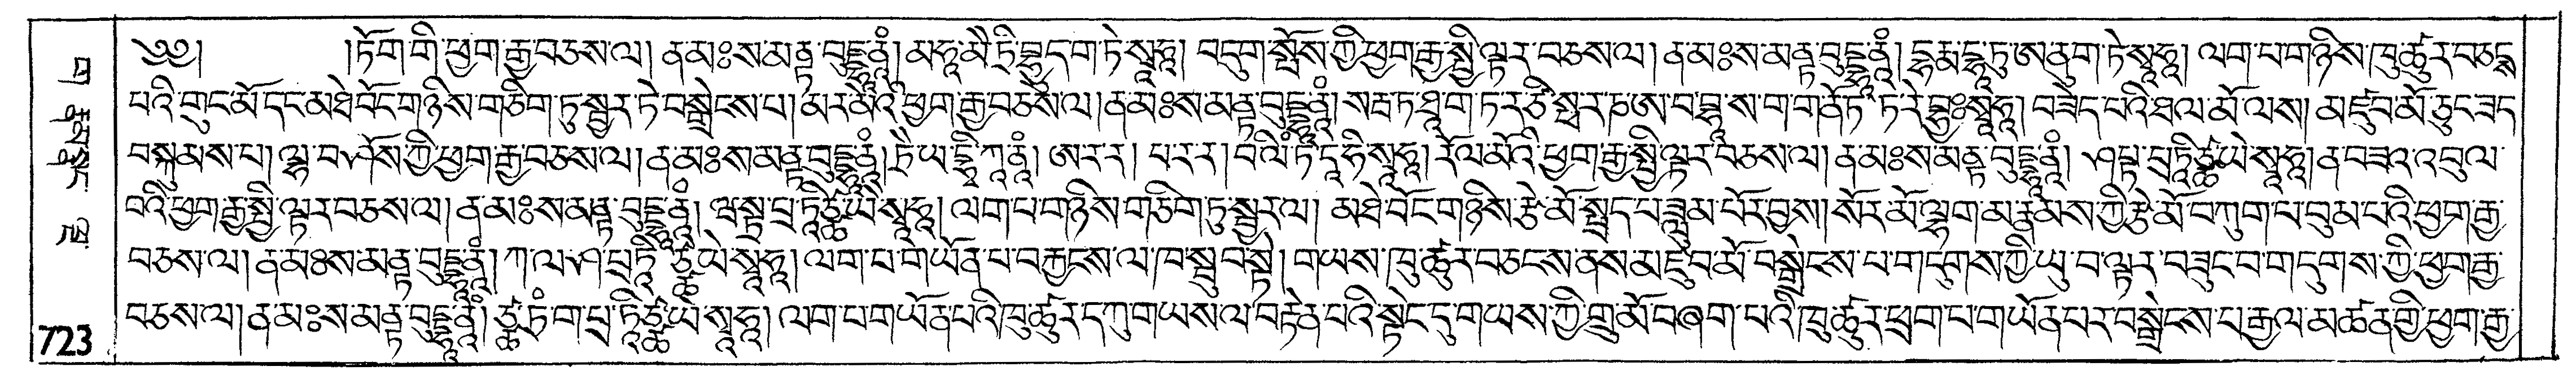༄༅། །ཏོག་གི་ཕྱག་རྒྱ་བཅས་ལ། ན་མཿ ས་མནྟ་བུདྡྷཱ་ནཱཾ། མཧཱ་མཻ་ཏྲི་བྷྱུད་ག་ཏེ་སྭཱཧཱ། བདུག་སྤོས་ཀྱི་ཕྱག་རྒྱ་སྤྱི་ལྟར་བཅས་ལ། ན་མཿ ས་མནྟ་བུདྡྷཱ་ནཱཾ། དྷརྨ་དྷཱ་ཏུ་ཨ་ནུག་ཏེ་སྭཱཧཱ། ལག་པ་གཉིས་ཁུ་ཚུར་བཅངས་
པའི་གུང་མོ་དང་མཐེ་བོང་གཉིས་གཅིག་ཏུ་སྦྱར་ཏེ་བསྒྲེངས་པ། མར་མེའི་ཕྱག་རྒྱ་བཅས་ལ། ན་མཿ ས་མནྟ་བུདྡྷཱ་ནཱཾ། སརྦ་ཏ་ཐཱ་ག་ཏ་ར་ཙི་སྥ་ར་ཎ་ཨ་བ་བྷཱ་ས་ག་ག་ནོ་ཏ་ཏ་རེ་བྷྱཿ སྭཱཧཱ། བཟེད་པའི་ཐལ་མོ་ལས། མཛུབ་མོ་ཅུང་ཟད་
བསྐུམས་པ། ལྷ་བཤོས་ཀྱི་ཕྱག་རྒྱ་བཅས་ལ། ན་མཿ ས་མནྟ་བུདྡྷཱ་ནཱཾ་།ཏྲཻ་ཡ་དྷྭི་ཀཱ་ནཱཾ། ཨ་ར་ར། པ་ར་ར། བ་ལིཾ་ཏ་དE་ཧི་སྭཱཧཱ། རོལ་མོའི་ཕྱག་རྒྱ་སྤྱི་ལྟར་བཅས་ལ། ན་མཿ ས་མནྟ་བུདྡྷཱ་ནཱཾ། ཤཔྟ་པྲཏཱི་ཙྪ་ཡེ་སྭཱཧཱ། ན་བཟའ་འབུལ་
བའི་ཕྱག་རྒྱ་སྤྱི་ལྟར་བཅས་ལ། ན་མཿ ས་མནྟ་བུདྡྷཱ་ནཱཾ། ཝ་སྟྲ་པྲ་ཏཱི་ཙྪ་ཡེ་སྭཱཧཱ། ལག་པ་གཉིས་གཅིག་ཏུ་སྦྱར་ལ། མཐེ་བོང་གཉིས་རྩེ་མོ་སྤྲད་པ་ཟླུམ་པོར་བྱས། སོར་མོ་ལྷག་མ་རྣམས་ཀྱི་རྩེ་མོ་བཀུག་པ་བུམ་པའི་ཕྱག་རྒྱ་
བཅས་ལ། ན་མཿ ས་མནྟ་བུདྡྷཱ་ནཱཾ། ཀ་ལ་ཤ་པྲཏཱི་ཙྪ་ཡེ་སྭཱཧཱ། ལག་པ་གཡོན་པ་བརྐྱངས་ལ་ཁ་སྦུ་བ་སྟེ། གཡས་ཁུ་ཚུར་བཅངས་ནས་མཛུབ་མོ་བསྒྲེངས་པ་གདུགས་ཀྱི་ཡུ་བ་ལྟར་བཟུང་བ་གདུགས་ཀྱི་ཕྱག་རྒྱ་
བཅས་ལ། ན་མཿ ས་མནྟ་བུདྡྷཱ་ནཱཾ། ཙྪ་ཏྲཾ་ག་པྲ་ཏཱི་ཙྪ་ཡེ་སྭཱཧཱ། ལག་པ་གཡོན་པའི་ཁུ་ཚུར་དཀུ་གཡས་ལ་བརྟེན་པའི་སྟེང་དུ་གཡས་ཀྱི་གྲུ་མོ་བཞག་པའི་ཁུ་ཚུར་ཕྲག་པ་གཡོན་པར་བསྒྲེངས་པ་རྒྱལ་མཚན་གྱི་ཕྱག་རྒྱ་